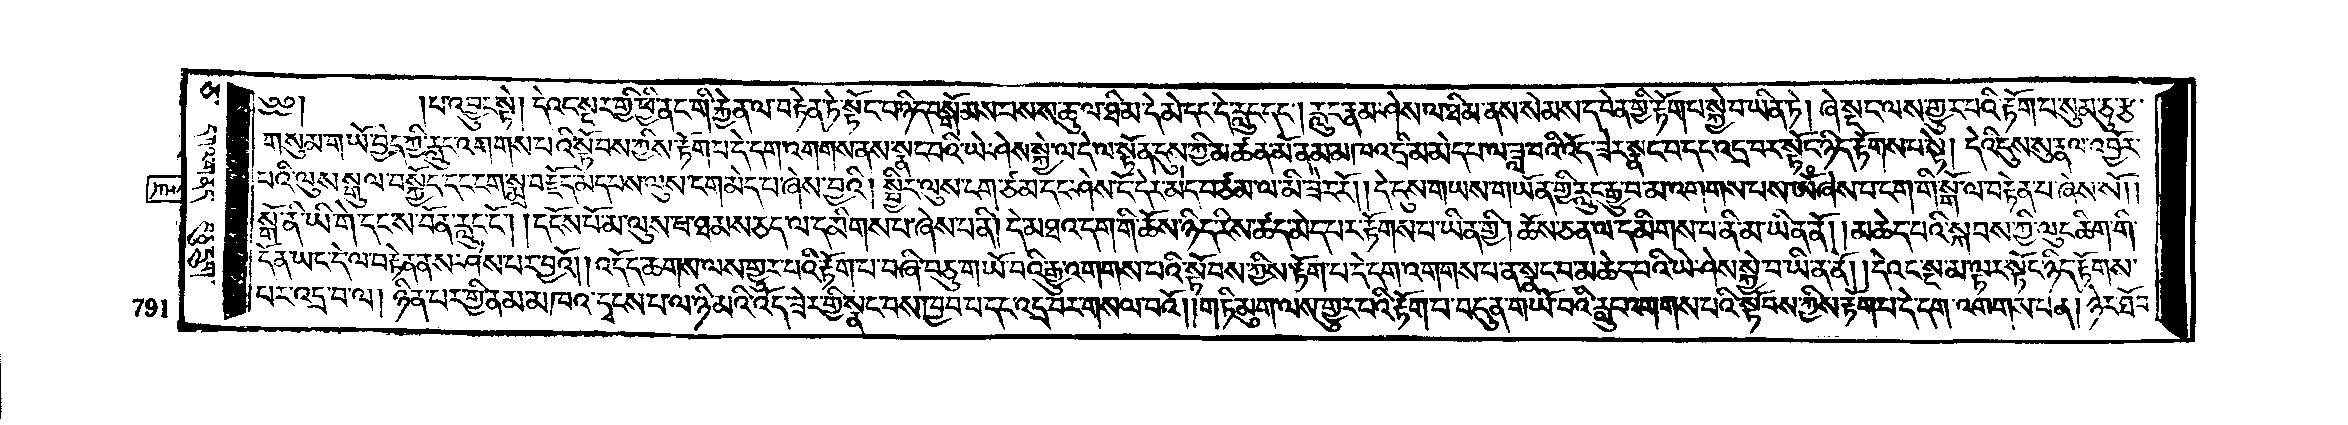༄༅། །པ་འབྱུང་སྟེ། དེའང་སྔར་གྱི་ཕྱི་ནང་གི་རྐྱེན་ལ་བརྟེན་ཏེ་སྟོང་པ་ཉིད་བསྒོམས་པས་ས་ཆུ་ལ་ཐིམ་དེ་མེ་དང་དེ་རླུང་དང་། རླུང་རྣམ་ཤེས་ལ་ཐིམ་ནས་སེམས་དབེན་གྱི་རྟོག་པ་སྐྱེ་བ་ཡིན་ཏེ། ཞེ་སྡང་ལས་གྱུར་པའི་རྟོག་པ་སུམ་ཅུ་རྩ་
གསུམ་གཡོ་བྱེད་ཀྱི་རླུང་འགགས་པའི་སྟོབས་ཀྱིས་རྟོག་པ་དེ་དག་འགགས་ནས་སྣང་བའི་ཡེ་ཤེས་སྐྱེ་ལ་དེ་ལ་སྟོན་དུས་ཀྱི་མཚན་མོ་ནམ་མཁའ་དྲི་མ་མེད་པ་ལ་ཟླ་བའི་འོད་ཟེར་སྣང་བ་དང་འདྲ་བར་སྟོང་ཉིད་རྟོགས་པ་སྟེ། དེའི་དུས་སུ་རྣལ་འབྱོར་
པའི་ལུས་སྒུལ་བསྐྱོད་དང་ངག་སྨྲ་བརྗོད་མེད་པས་ལུས་ངག་མེད་པ་ཞེས་བྱའི། སྤྱིར་ལུས་ངག་ཙམ་དང་ཤེས་ངོ་དེར་མེད་པ་ཙམ་ལ་མི་ཟེར་རོ། །དེ་དུས་གཡས་གཡོན་གྱི་རླུང་རྒྱུ་བ་མ་འགགས་པས་ཨོཾ་ཞེས་པ་ངག་གི་སྒོ་ལ་བརྟེན་པ་ཞེས་སོ། །
སྒོ་ནི་ཡི་གེ་དང་ས་བོན་རླུང་ངོ། །དངོས་པོ་མ་ལུས་པ་ཐམས་ཅད་ལ་དམིགས་པ་ཞེས་པ་ནི། དེ་མཐའ་དག་གི་ཆོས་ཉིད་རིས་ཚད་མེད་པར་རྟོགས་པ་ཡིན་གྱི། ཆོས་ཅན་ལ་དམིགས་པ་ནི་མ་ཡིན་ནོ། །མཆེད་པའི་སྐབས་ཀྱི་ལུང་ཚིག་གི་
དོན་ཡང་དེ་ལ་བརྟེན་ནས་ཤེས་པར་བྱའོ། །འདོད་ཆགས་ལས་གྱུར་པའི་རྟོག་པ་བཞི་བཅུ་གཡོ་བའི་རྒྱུ་འགགས་པའི་སྟོབས་ཀྱིས་རྟོག་པ་དེ་དག་འགགས་པ་ན་སྣང་བ་མཆེད་པའི་ཡེ་ཤེས་སྐྱེ་བ་ཡིན་ནོ། །དེའང་སྔ་མ་ལྟར་སྟོང་ཉིད་རྟོགས་
པར་འདྲ་བ་ལ། ཉིན་པར་གྱི་ནམ་མཁའ་དྭངས་པ་ལ་ཉི་མའི་འོད་ཟེར་གྱི་སྣང་བས་ཁྱབ་པ་དང་འདྲ་བར་གསལ་བའོ། །གཏི་མུག་ལས་གྱུར་པའི་རྟོག་པ་བདུན་གཡོ་བའི་རླུང་འགགས་པའི་སྟོབས་ཀྱིས་རྟོག་པ་དེ་དག་འགགས་པ་ན། ཉེར་ཐོབ་